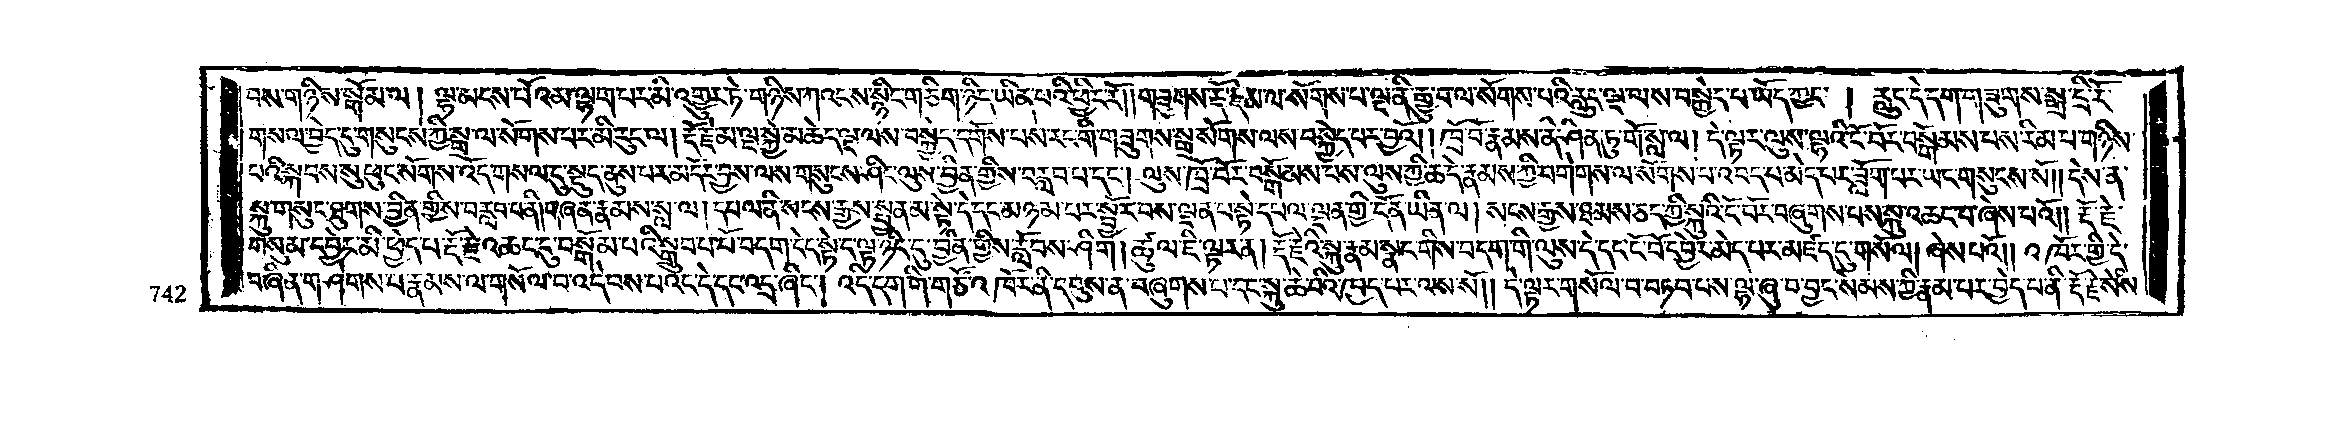བས་གཉིས་སྒོམ་ལ། ལྷ་མངས་པོའམ་ལྷག་པར་མི་འགྱུར་ཏེ་གཉིས་ཀའང་ས་སྙིང་གཅིག་ཉིད་ཡིན་པའི་ཕྱིར་རོ། །གཟུགས་རྡོ་རྗེ་མ་ལ་སོགས་པ་ལྔ་ནི་རྒྱུ་བ་ལ་སོགས་པའི་རླུང་ལྔ་ལས་བསྐྱེད་པ་ཡོད་ཀྱང་། རླུང་དེ་དག་གཟུགས་སྒྲ་དྲི་རོ་
གསལ་བྱེད་དུ་གསུངས་ཀྱི་སྒྲ་ལ་སོགས་པར་མི་རུང་ལ། རྡོ་རྗེ་མ་ལྔ་སྐྱེ་མཆེད་ལྔ་ལས་བསྐྱེད་དགོས་པས་རང་གི་གཟུགས་སྒྲ་སོགས་ལས་བསྐྱེད་པར་བྱའོ། །ཁྲོ་བོ་རྣམས་ནི་ཤིན་ཏུ་ག་སླ་ལ། དེ་ལྟར་ལུས་ལྷའི་ངོ་བོར་བསྒོམས་པས་རིམ་པ་གཉིས་
པའི་སྐབས་སུ་ཕུང་སོགས་འོད་གསལ་དུ་སྡུད་ནུས་པར་མདོར་བྱས་ལས་གསུངས་ཤིང་ལུས་བྱིན་གྱིས་བརླབ་པ་དང་། ལུས་ཁྲོ་བོར་བསྒོམས་པས་ལུས་ཀྱི་ཆ་དེ་རྣམས་ཀྱི་བགེགས་ལ་སོགས་པ་འབད་པ་མེད་པར་ཟློག་པར་ཡང་གསུངས་སོ། །དེས་ན་
སྐུ་གསུང་ཐུགས་བྱིན་གྱིས་བརླབ་པ་ནི། གཞན་རྣམས་སླ་ལ། དཔལ་ནི་སངས་རྒྱས་སྤྱན་མ་སྟེ་དེ་དང་མཉམ་པར་སྦྱོར་བས་ལྡན་པ་སྟེ་དཔལ་ལྡན་གྱི་དོན་ཡིན་ལ། སངས་རྒྱས་ཐམས་ཅད་ཀྱི་སྐུའི་ངོ་བོར་བཞུགས་པས་སྐུ་འཆང་བ་ཞེས་པའོ། །རྡོ་རྗེ་
གསུམ་དབྱེར་མི་ཕྱེད་པ་རྡོ་རྗེ་འཆང་དུ་བསྒོམ་པའི་སྒྲུབ་པ་པོ་བདག་ངེད་སྟེ་ད་ལྟ་ཉིད་དུ་བྱིན་གྱིས་རློབས་ཤིག །ཚུལ་ཇི་ལྟར་ན། རྡོ་རྗེའི་སྐུ་རྣམ་སྣང་གིས་བདག་གི་ལུས་དེ་དང་ངོ་བོ་དབྱེར་མེད་པར་མཛད་དུ་གསོལ། ཞེས་པའོ། །འཁོར་གྱི་དེ་
བཞིན་གཤེགས་པ་རྣམས་ལ་གསོལ་བ་འདེབས་པའང་དེ་དང་འདྲ་ཞིང་། འདི་དག་གི་གཙོ་འཁོར་ནི་དབུས་ན་བཞུགས་པ་དང་སྐུ་ཆེ་བའི་ཁྱད་པར་ལས་སོ། །དེ་ལྟར་གསོལ་བ་བཏབ་པས་ལྷ་ཞུ་བ་བྱང་སེམས་ཀྱི་རྣམ་པར་བྱེད་པ་ནི་རྡོ་རྗེ་སེམས་